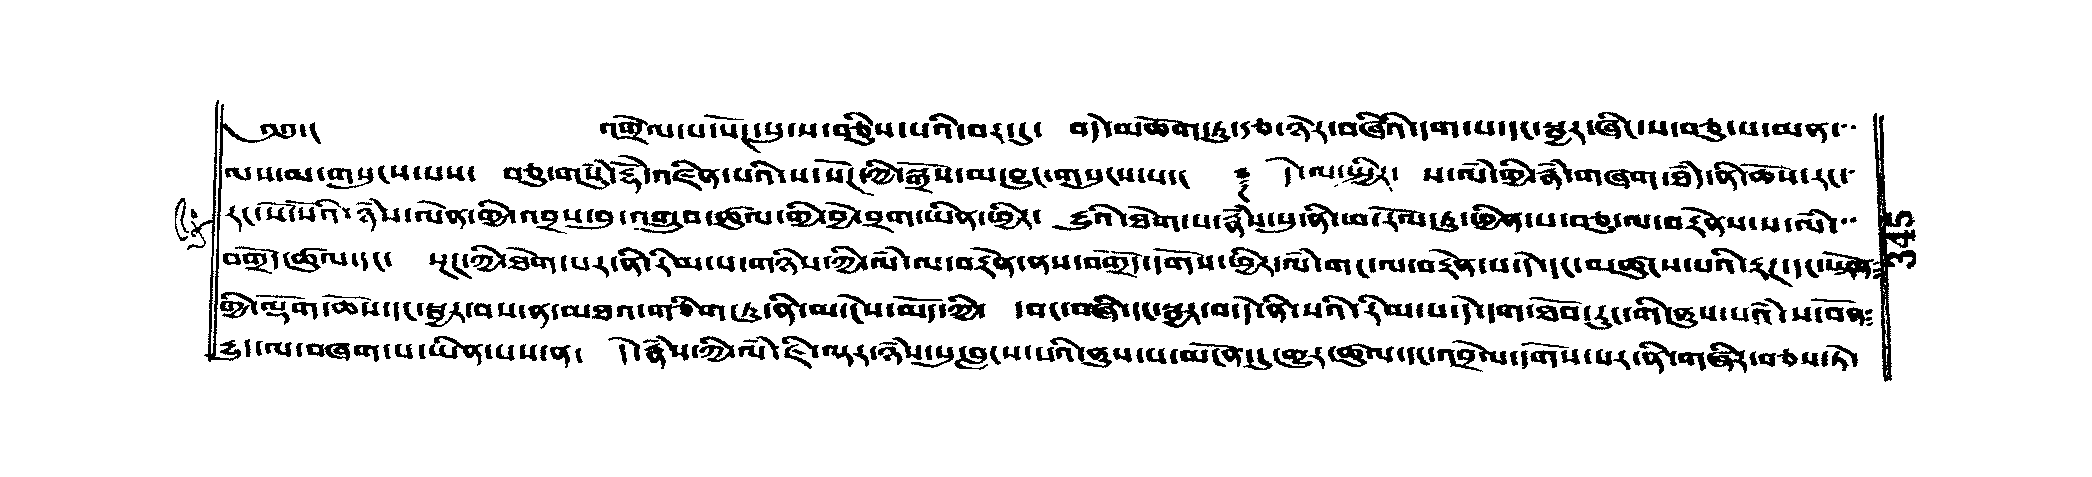འགྲེལ་པ་སོགས་སུ་ས་བཅུ་གཉིས་པའི་བར་དུ། བདེ་མཆོག་ཏུ་རྩ་ཉེར་བཞིའི་དག་པ་དང་སྦྱར་ཞིང་ས་བཅུ་པ་མན་
ལས་མ་གསུངས་པས། བཅུ་གསུམ་རྡོ་རྗེ་འཛིན་པའི་ས་སོགས་ཀྱི་སྒྲོས་མ་བྱུང་གསུངས་པ། ༈ དེ་ལ་སྤྱིར། ས་ལམ་གྱི་རྣམ་གཞག་ཐམས་ཅད་ནི་ཆོས་རང་
རང་སོ་སོའི་ཉམས་ལེན་གྱི་འབྲས་བུ་འགྲུབ་ཚུལ་གྱི་བྱེ་བྲག་ཡིན་ཕྱིར། རྒྱུའི་ཐེག་པ་རྣམས་སུ་ནི་ཕ་རོལ་ཏུ་ཕྱིན་པ་བཅུ་ལ་བརྟེན་ནས་ས་ལམ་
བགྲོད་ཚུལ་དང་། སྔགས་ཀྱི་ཐེག་པ་ནི་རིམ་པ་གཉིས་ཀྱི་ལམ་ལ་བརྟེན་ནས་བགྲོད་དགོས་ཕྱིར་ལམ་གང་ལ་བརྟེན་པ་དེ་དང་མཚུངས་པའི་རྟགས་དང་ཡོན་ཏན་
གྱི་ལྡོག་ཆོས་དང་སྦྱར་བས་ན་མཐའ་གཅིག་ཏུ་ནི་མ་ངེས་མོད་ཀྱི། དབང་བཞི་དང་སྦྱར་བ་དེ་ནི་སའི་རིམ་པ་དེ་དག་ཐོབ་རུང་གི་ནུས་པའམ་ས་བོན་
རྒྱུད་ལ་བཞག་པ་ཡིན་པས་ན། དེ་རྣམས་ཀྱི་ལམ་ཇི་ལྟར་ཉམས་སུ་བླངས་པའི་ནུས་པ་མངོན་དུ་གྱུར་ཚུལ་དང་འབྲེལ་དགོས་པར་ནི་གཞིར་བཅས་ཏེ་